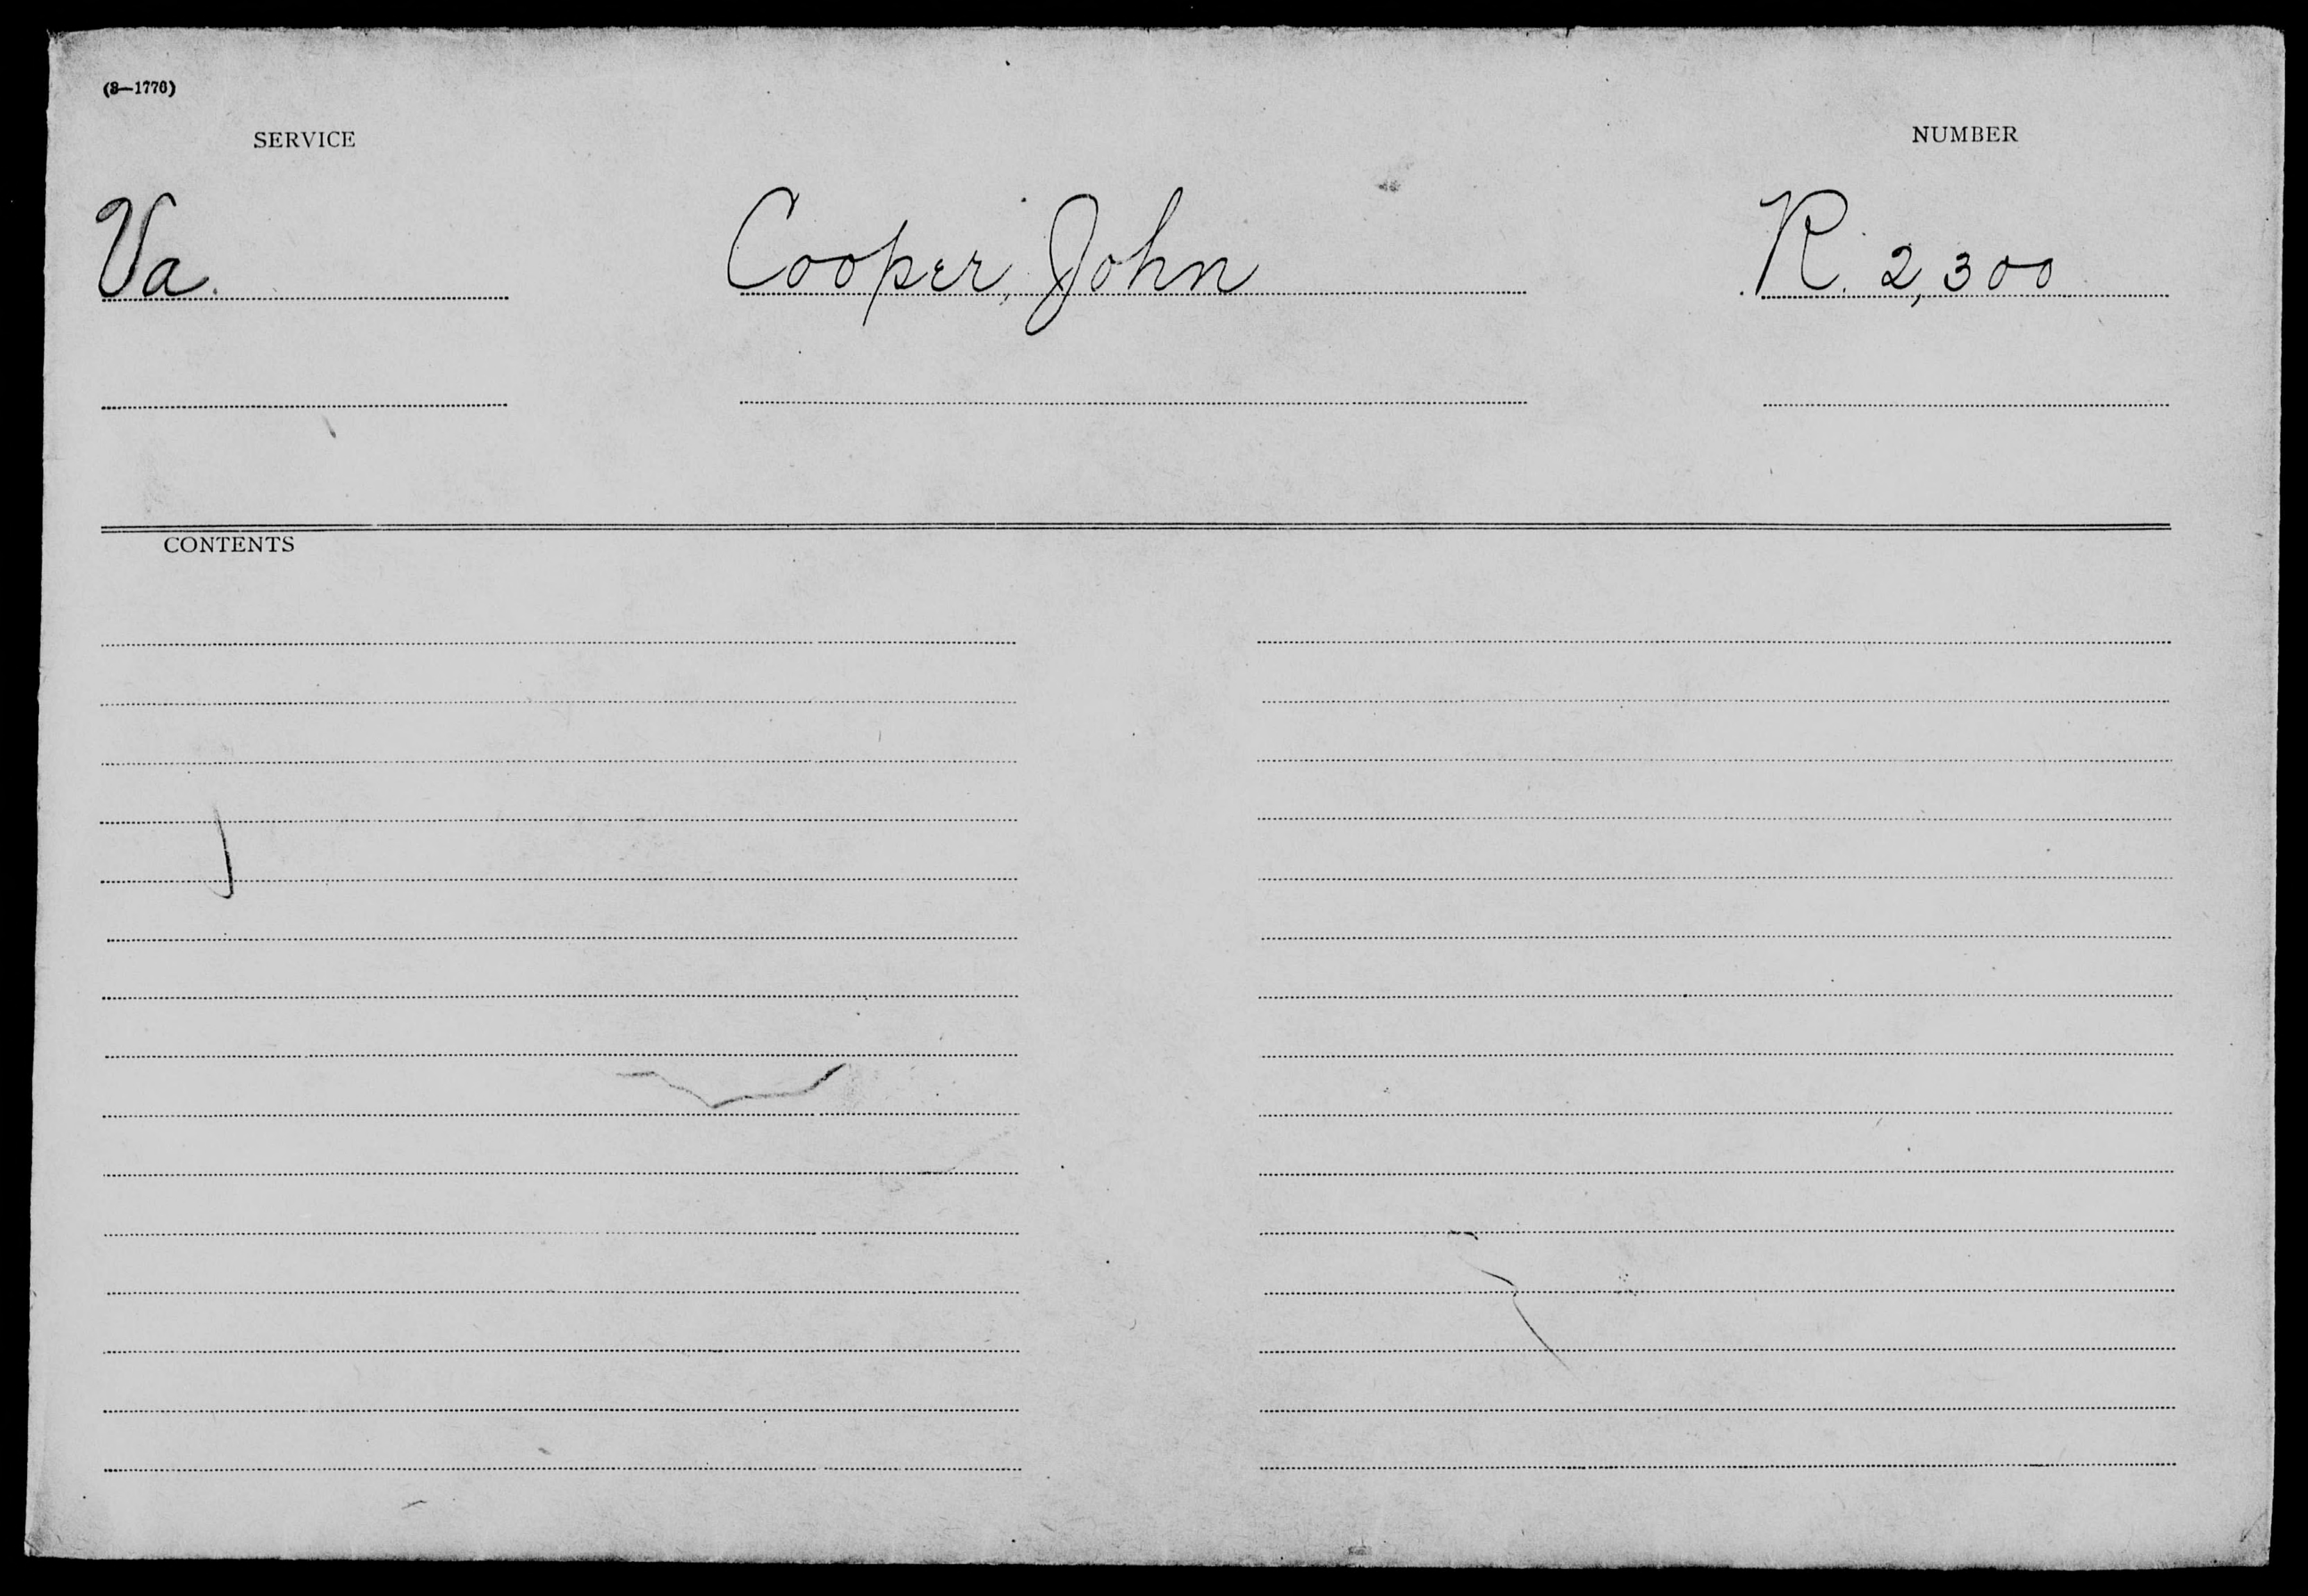SERVICE
Va.

Cooper, John

NUMBER
R.2.300

CONTENTS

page: 1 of 17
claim: rejected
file: R. 2,300, John Cooper, Va.